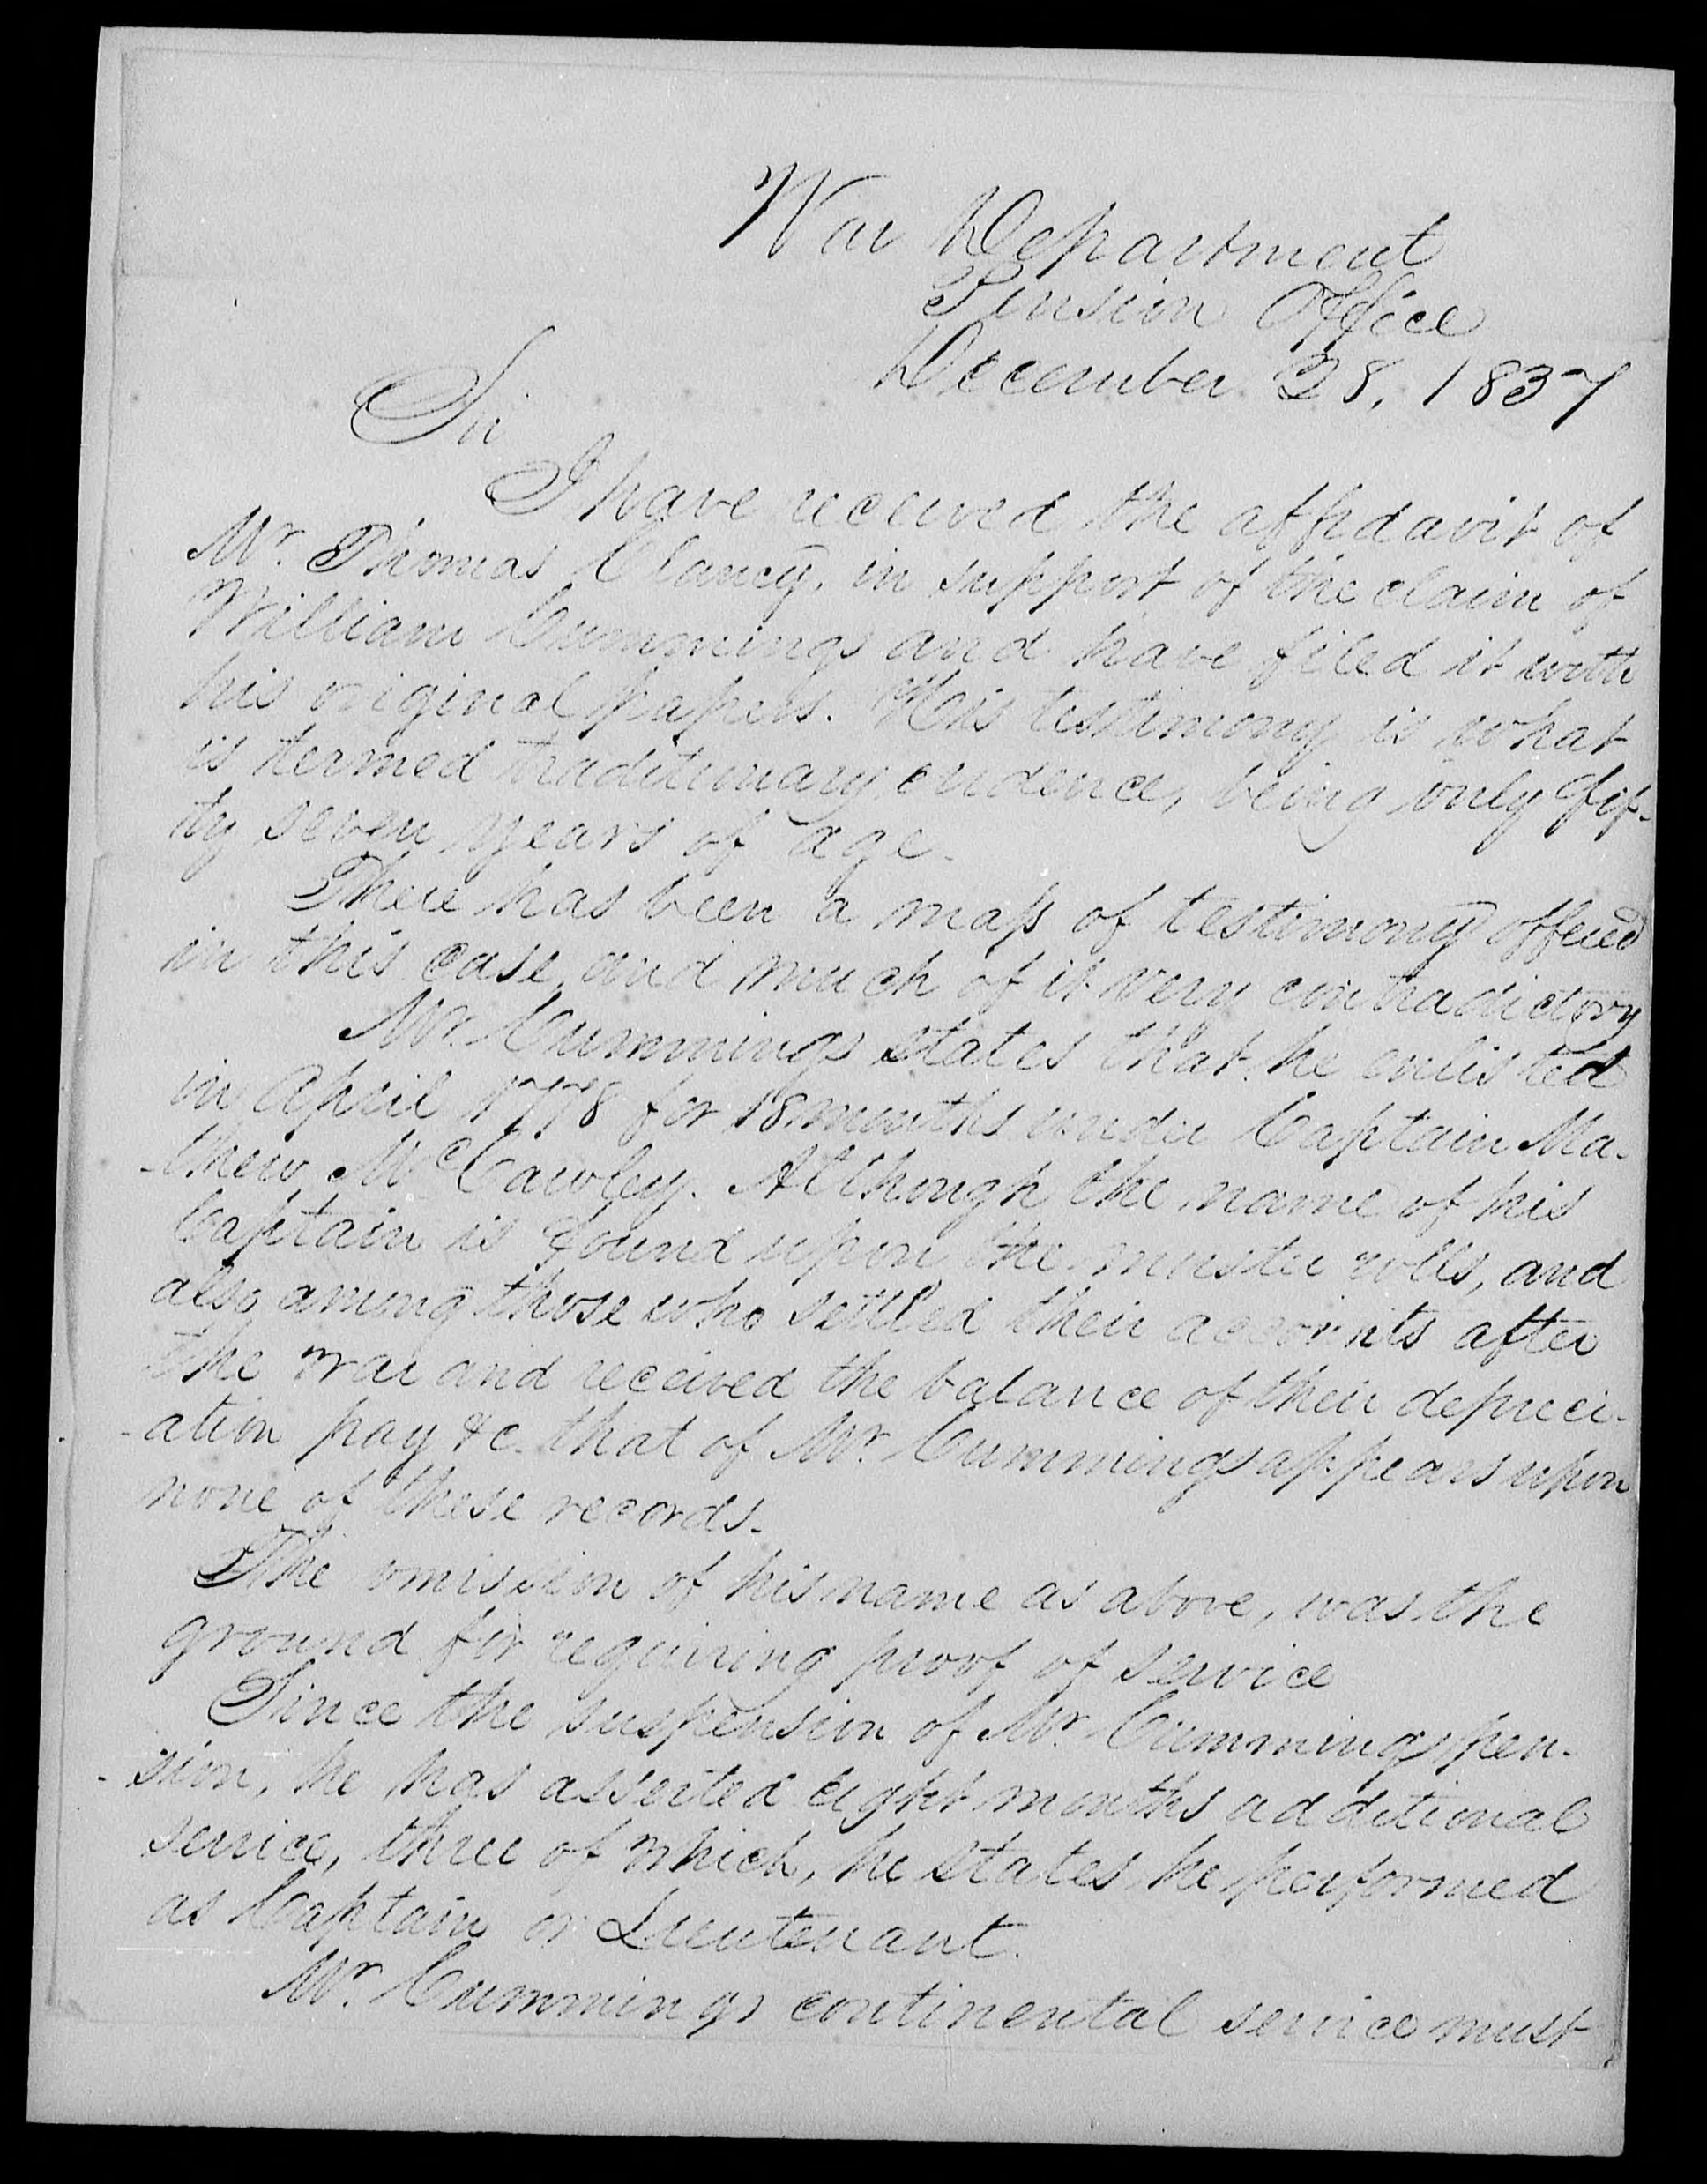[Handwritten letter with somewhat faint handwriting.]

War Department
Pension Office
December 28, 1837

Sir

I have received the affidavit of Mr. Thomas Clancy, in support of the claim of William Cummings and have filed it with his original papers.  His testimony is what is termed traditionary evidence, being only fifty seven years of age.

There has been a mass of testimony offered in this case, and much of it very contradictory

Mr. Cummings states that. he enlisted in April 1778 for 18 months under Captain Mathew McCawley.  Although the name of his Captain is found upon the muster rolls, and also among those who settled their accounts after the war and received the balance of their depreciation pay &c.  that of Mr. Cummings appears upon none of these records.

The omission of his name as above, was the ground for requiring proof of service

Since the suspension of Mr. Cummings pension, he has asserted Eight months additional service, three of which, he states he performed as Captain or Lieutenant.

Mr. Cummings continental service must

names: William Cummings, Cummings, Mathew Mc Cawley, Thomas Clancy, Cummings, Cummings, Cummings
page: 38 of 145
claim: survivor's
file: S. 8265, William Cumming, N.C.